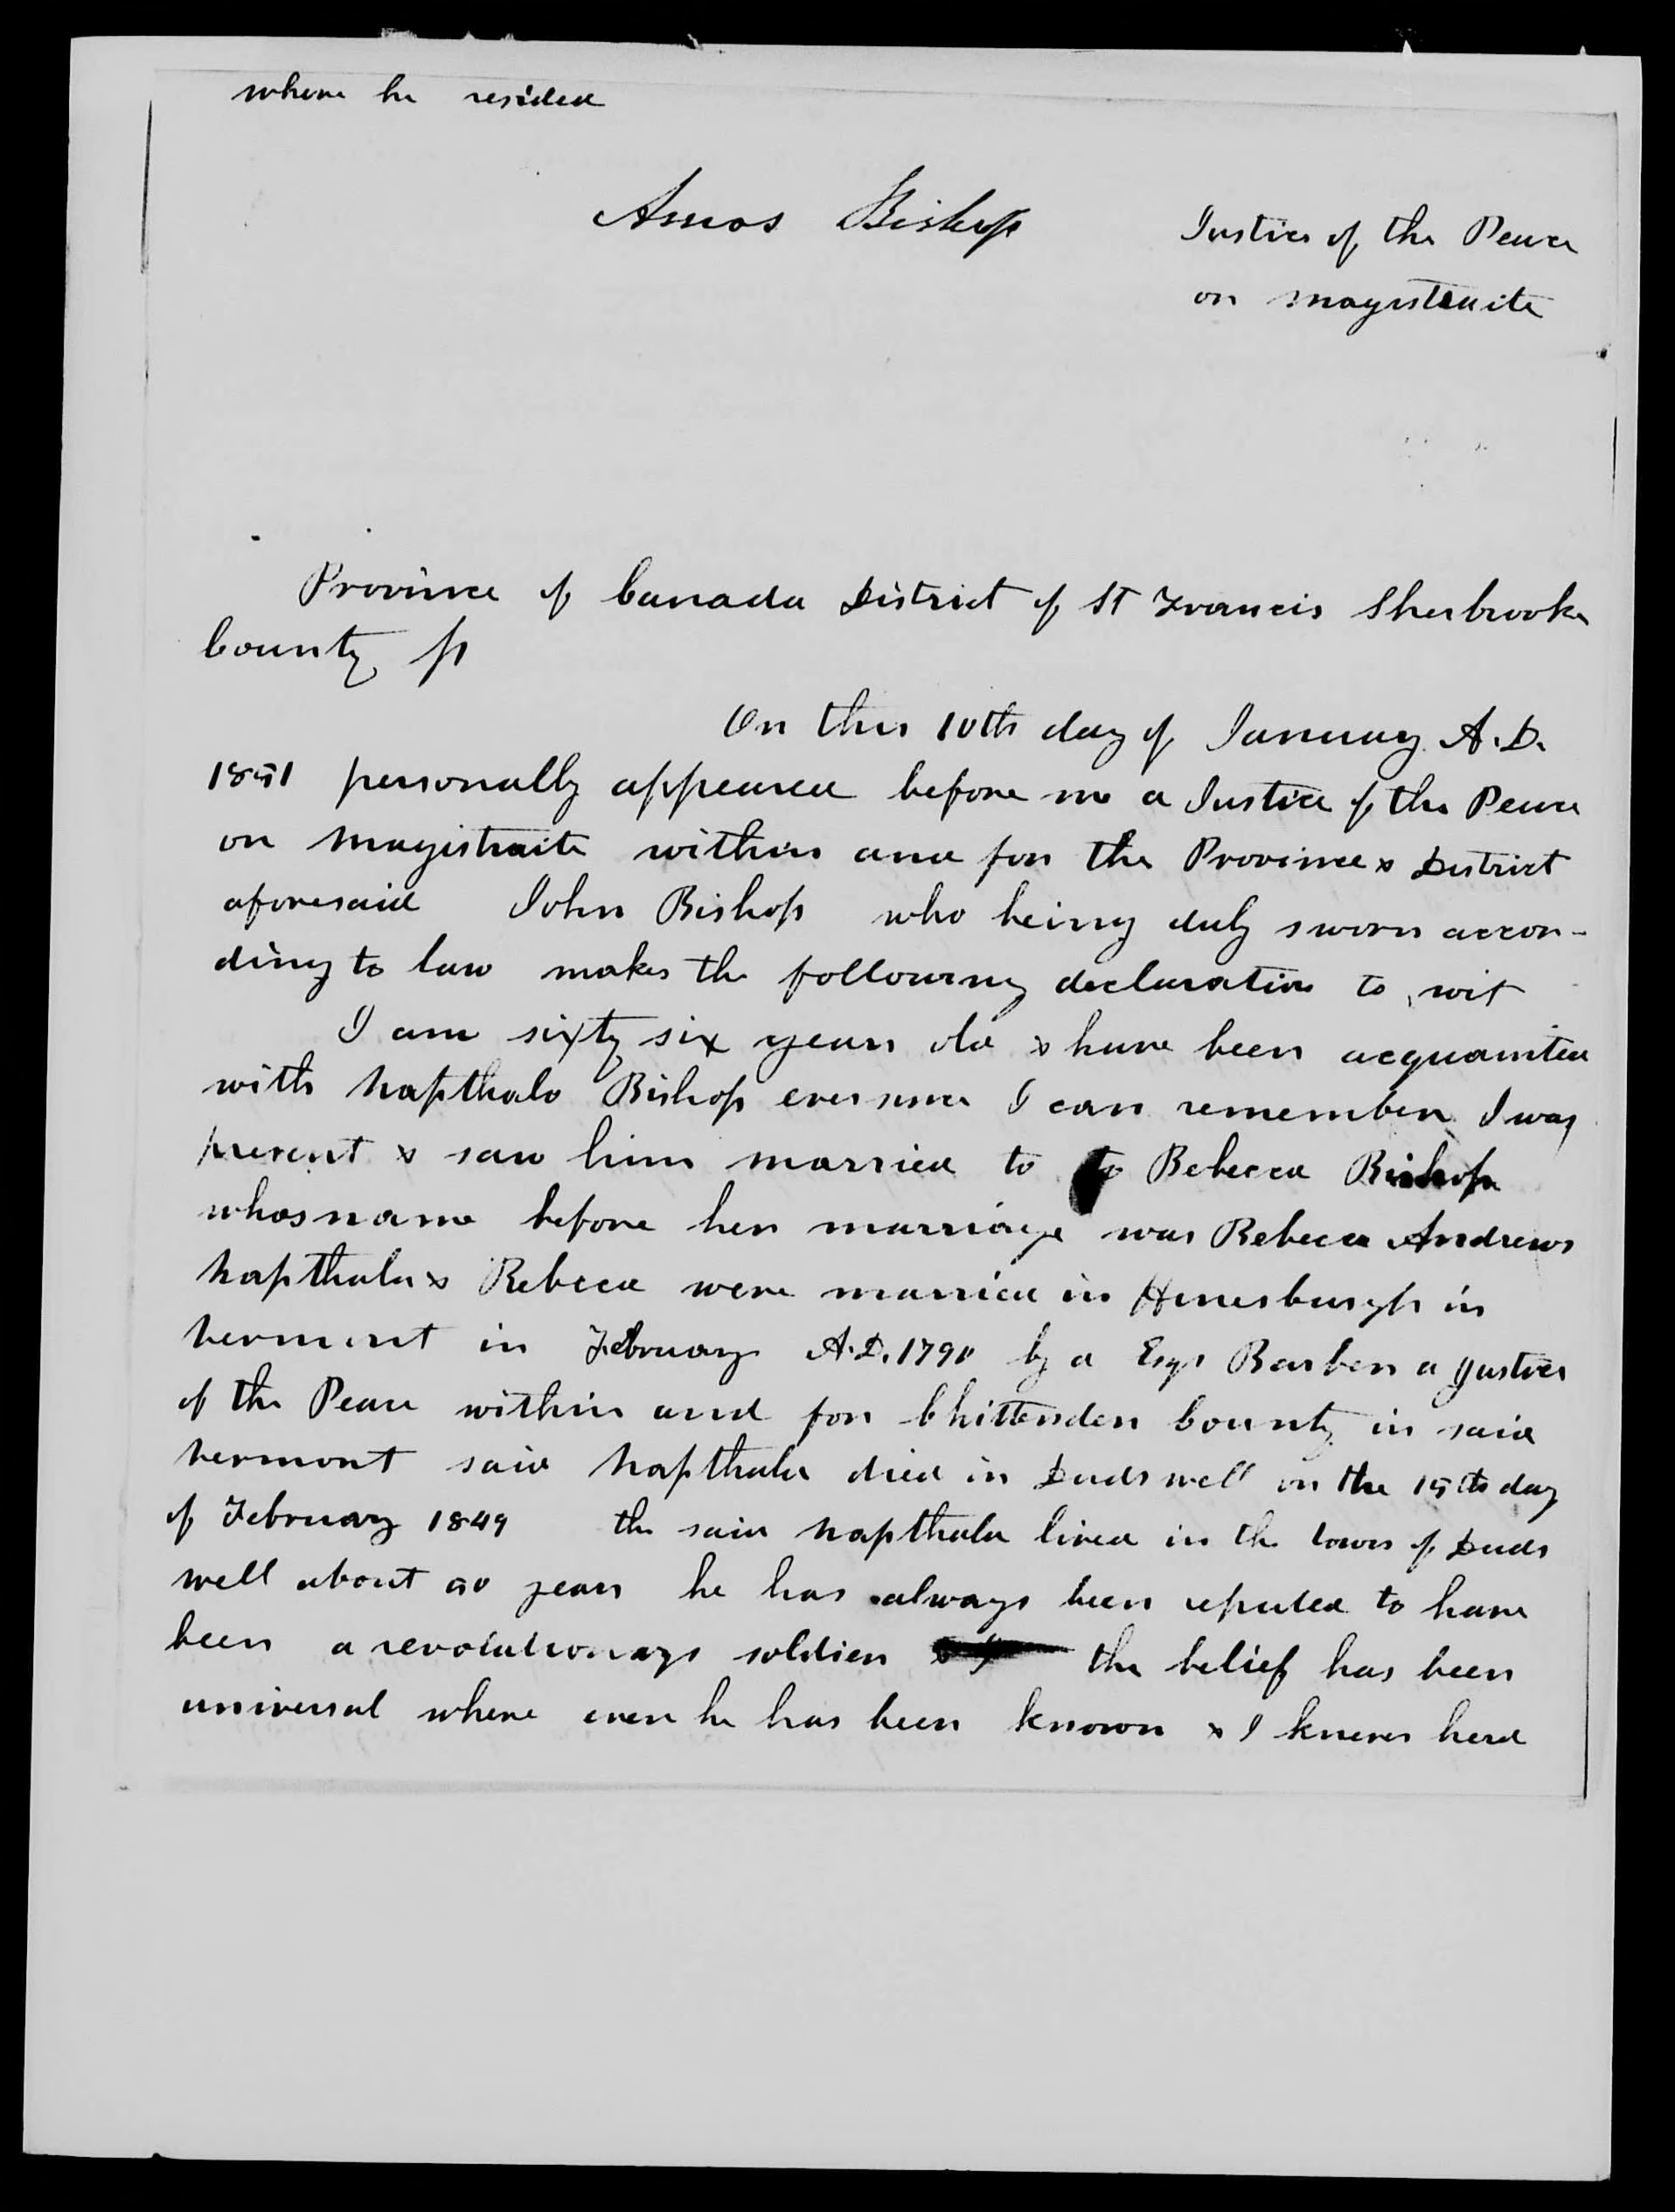where he resided

Amos Bishop Justice of the Peace or magistraite

Province of Canada District of St Francis Sherbrooke County ss
On this 10th day of January A.D. 1891 personally appeared before me a Justice of the Peace on magistraite within and for the Province & District aforesaid John Bishop who being duly sworn according to law makes the following declaration to wit 
I am sixty six years old & have been acquainted with Napthala Bishop ever since I can remember I was present & saw him married to Rebecca Bishop whos name before the marriage was Rebecca Andrews Napthala & Rebeca were married in Hinesburgh in Vermont in February A.D. 1790 by a Esqr Barber a Justice of the Peace within and for Chittenden County in said Vermont said Napthala died in Dudswell on the 19th day of February 1849 the said Napthala lived in the town of Dudswell about 90 years he has always been reputed to have been a revolutionary soldier & the belief has been universal where eer he has been known & I knever herd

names: Rebecca Bishop, Barber, Amos Bishop, Napthala, Rebecca Andrews, Napthala Bishop, Napthala, Napthala, John Bishop, Rebeca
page: 24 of 27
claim: rejected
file: R. 865, Napthala Bishop, Vt.